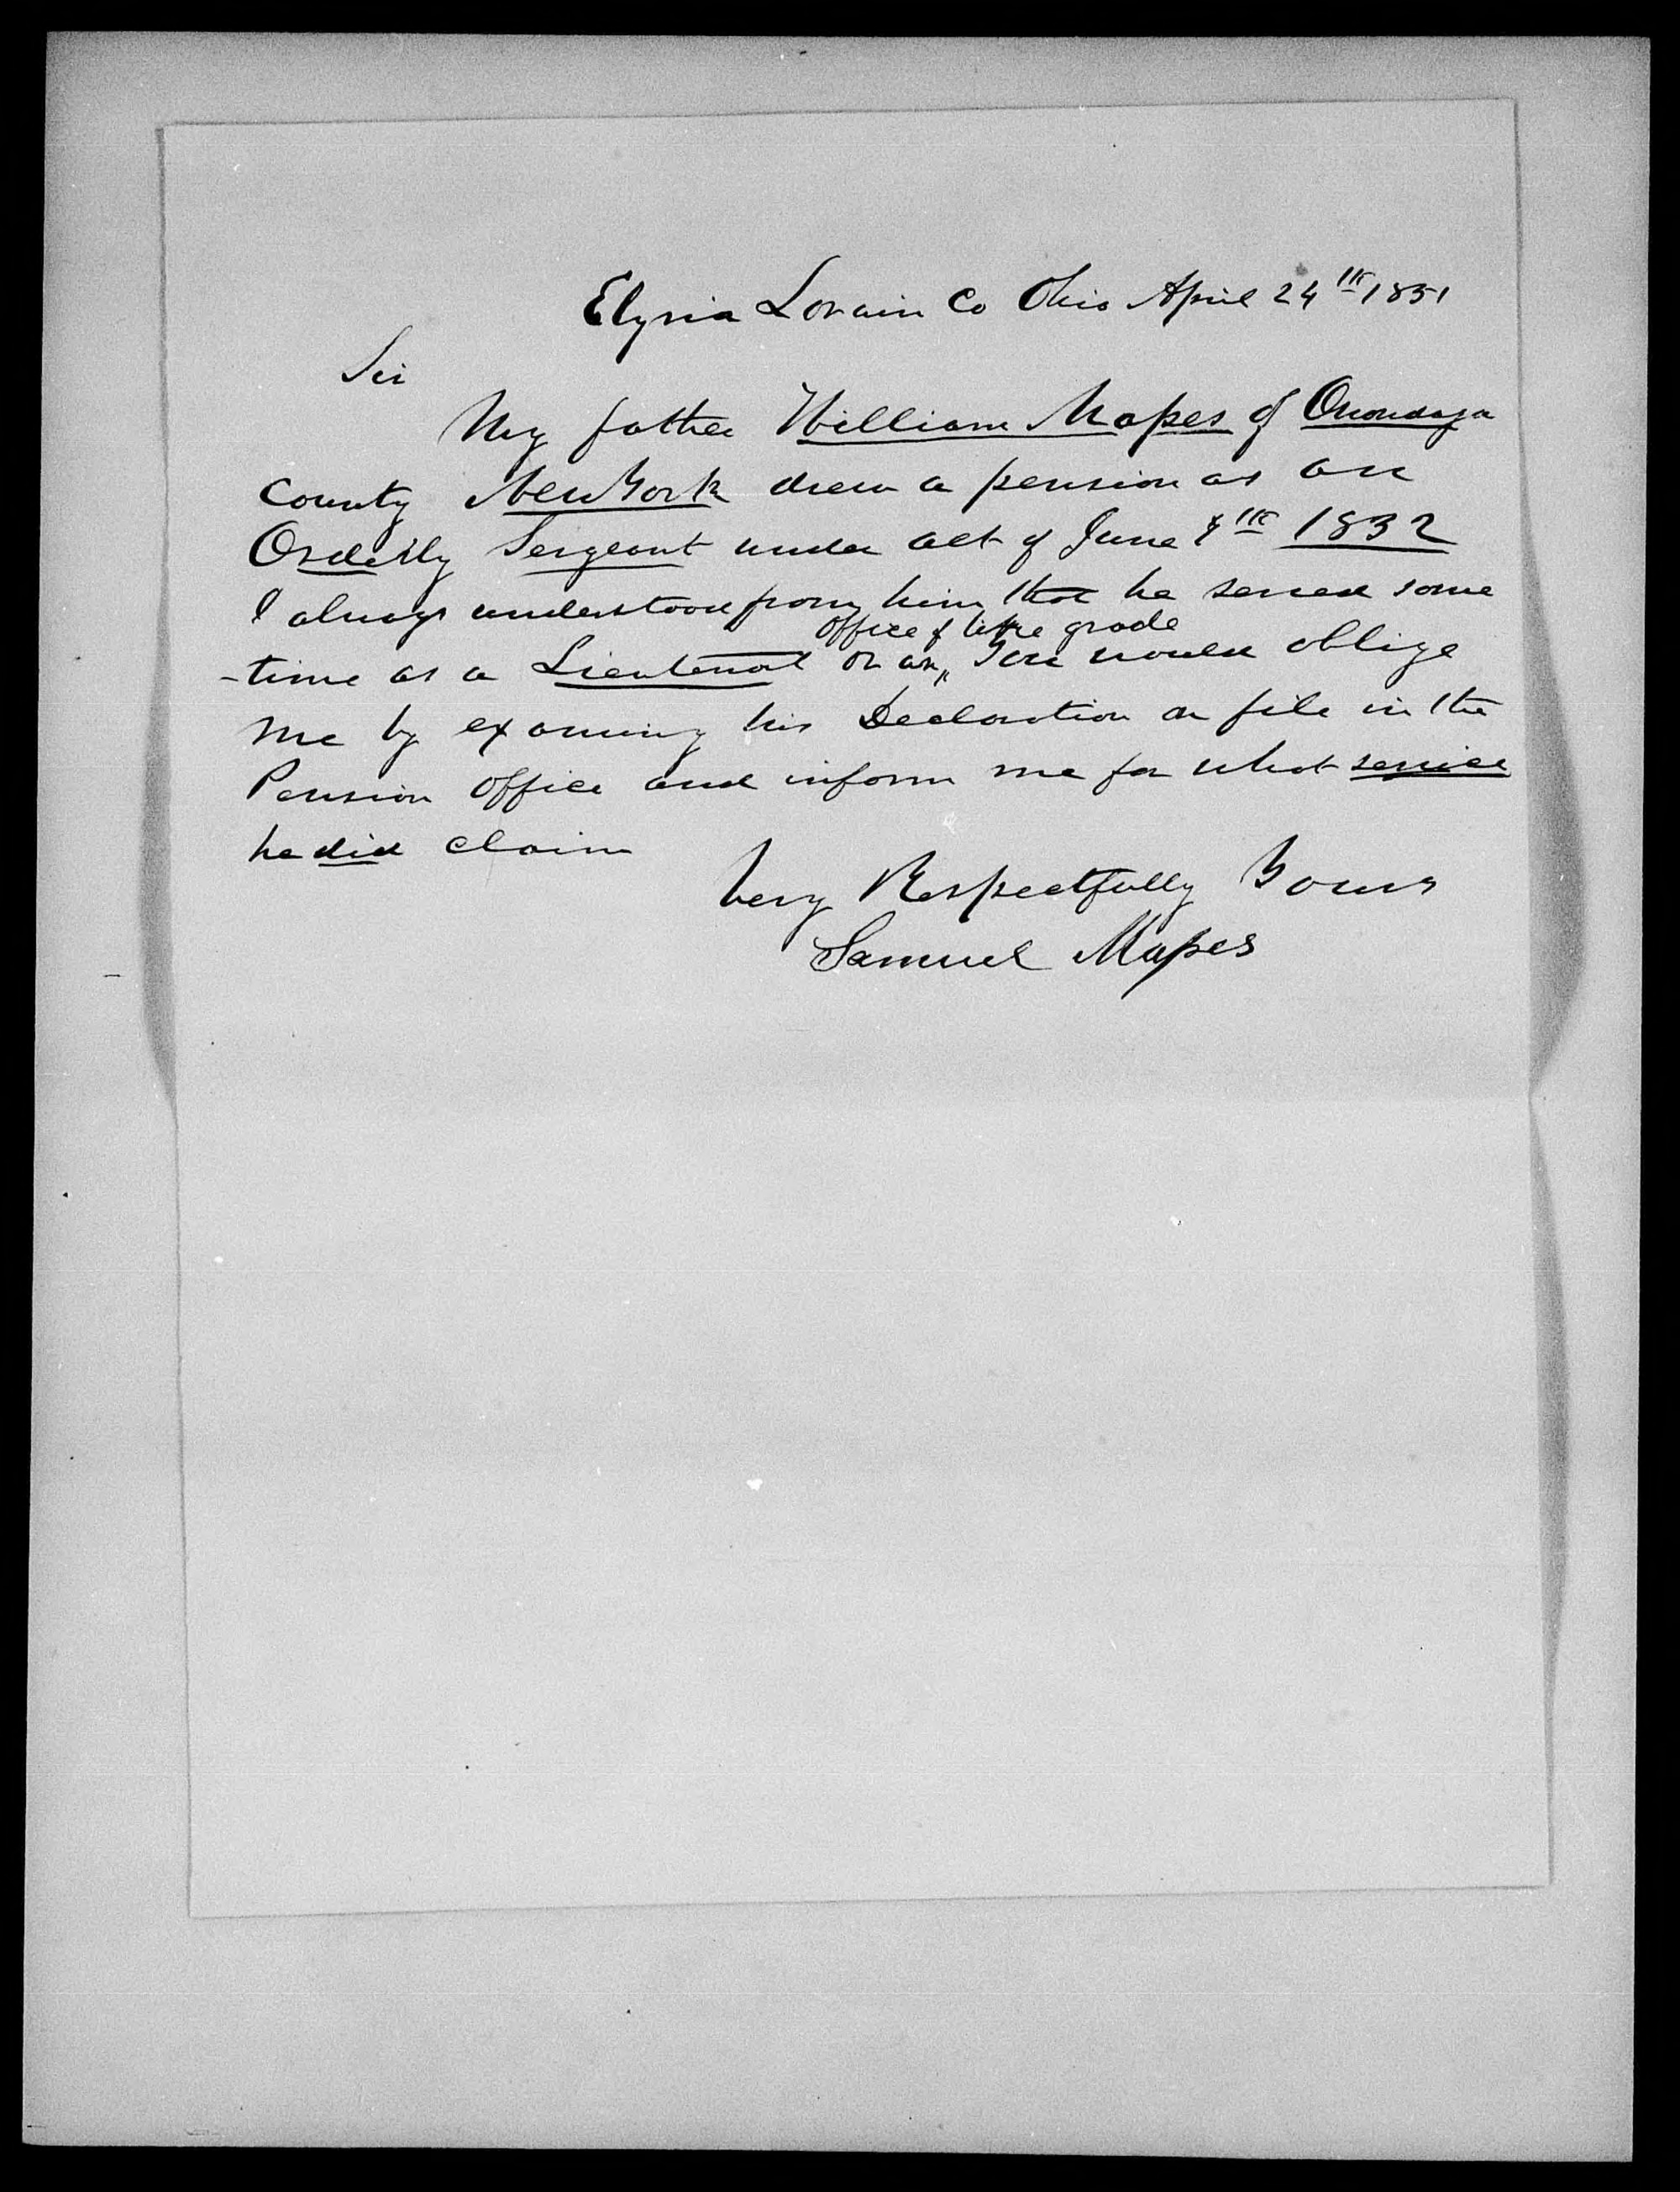Elyria Lorain Co Ohio April 24th 1851 

Sir

My father William Mapes of Onondaga New York drew a pension as an Orderly Sergeant under act of June 7th 1832.  I always understood from him that he served some time as a Lieutenant or an office of like grade.  You would oblige me by examining his declaration on file in the Pension office and inform me for what service he did claim 

Very Respectfully Yours 
Samuel Mapes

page: 30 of 30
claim: survivor's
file: S. 13,873, for William Mapes, New York